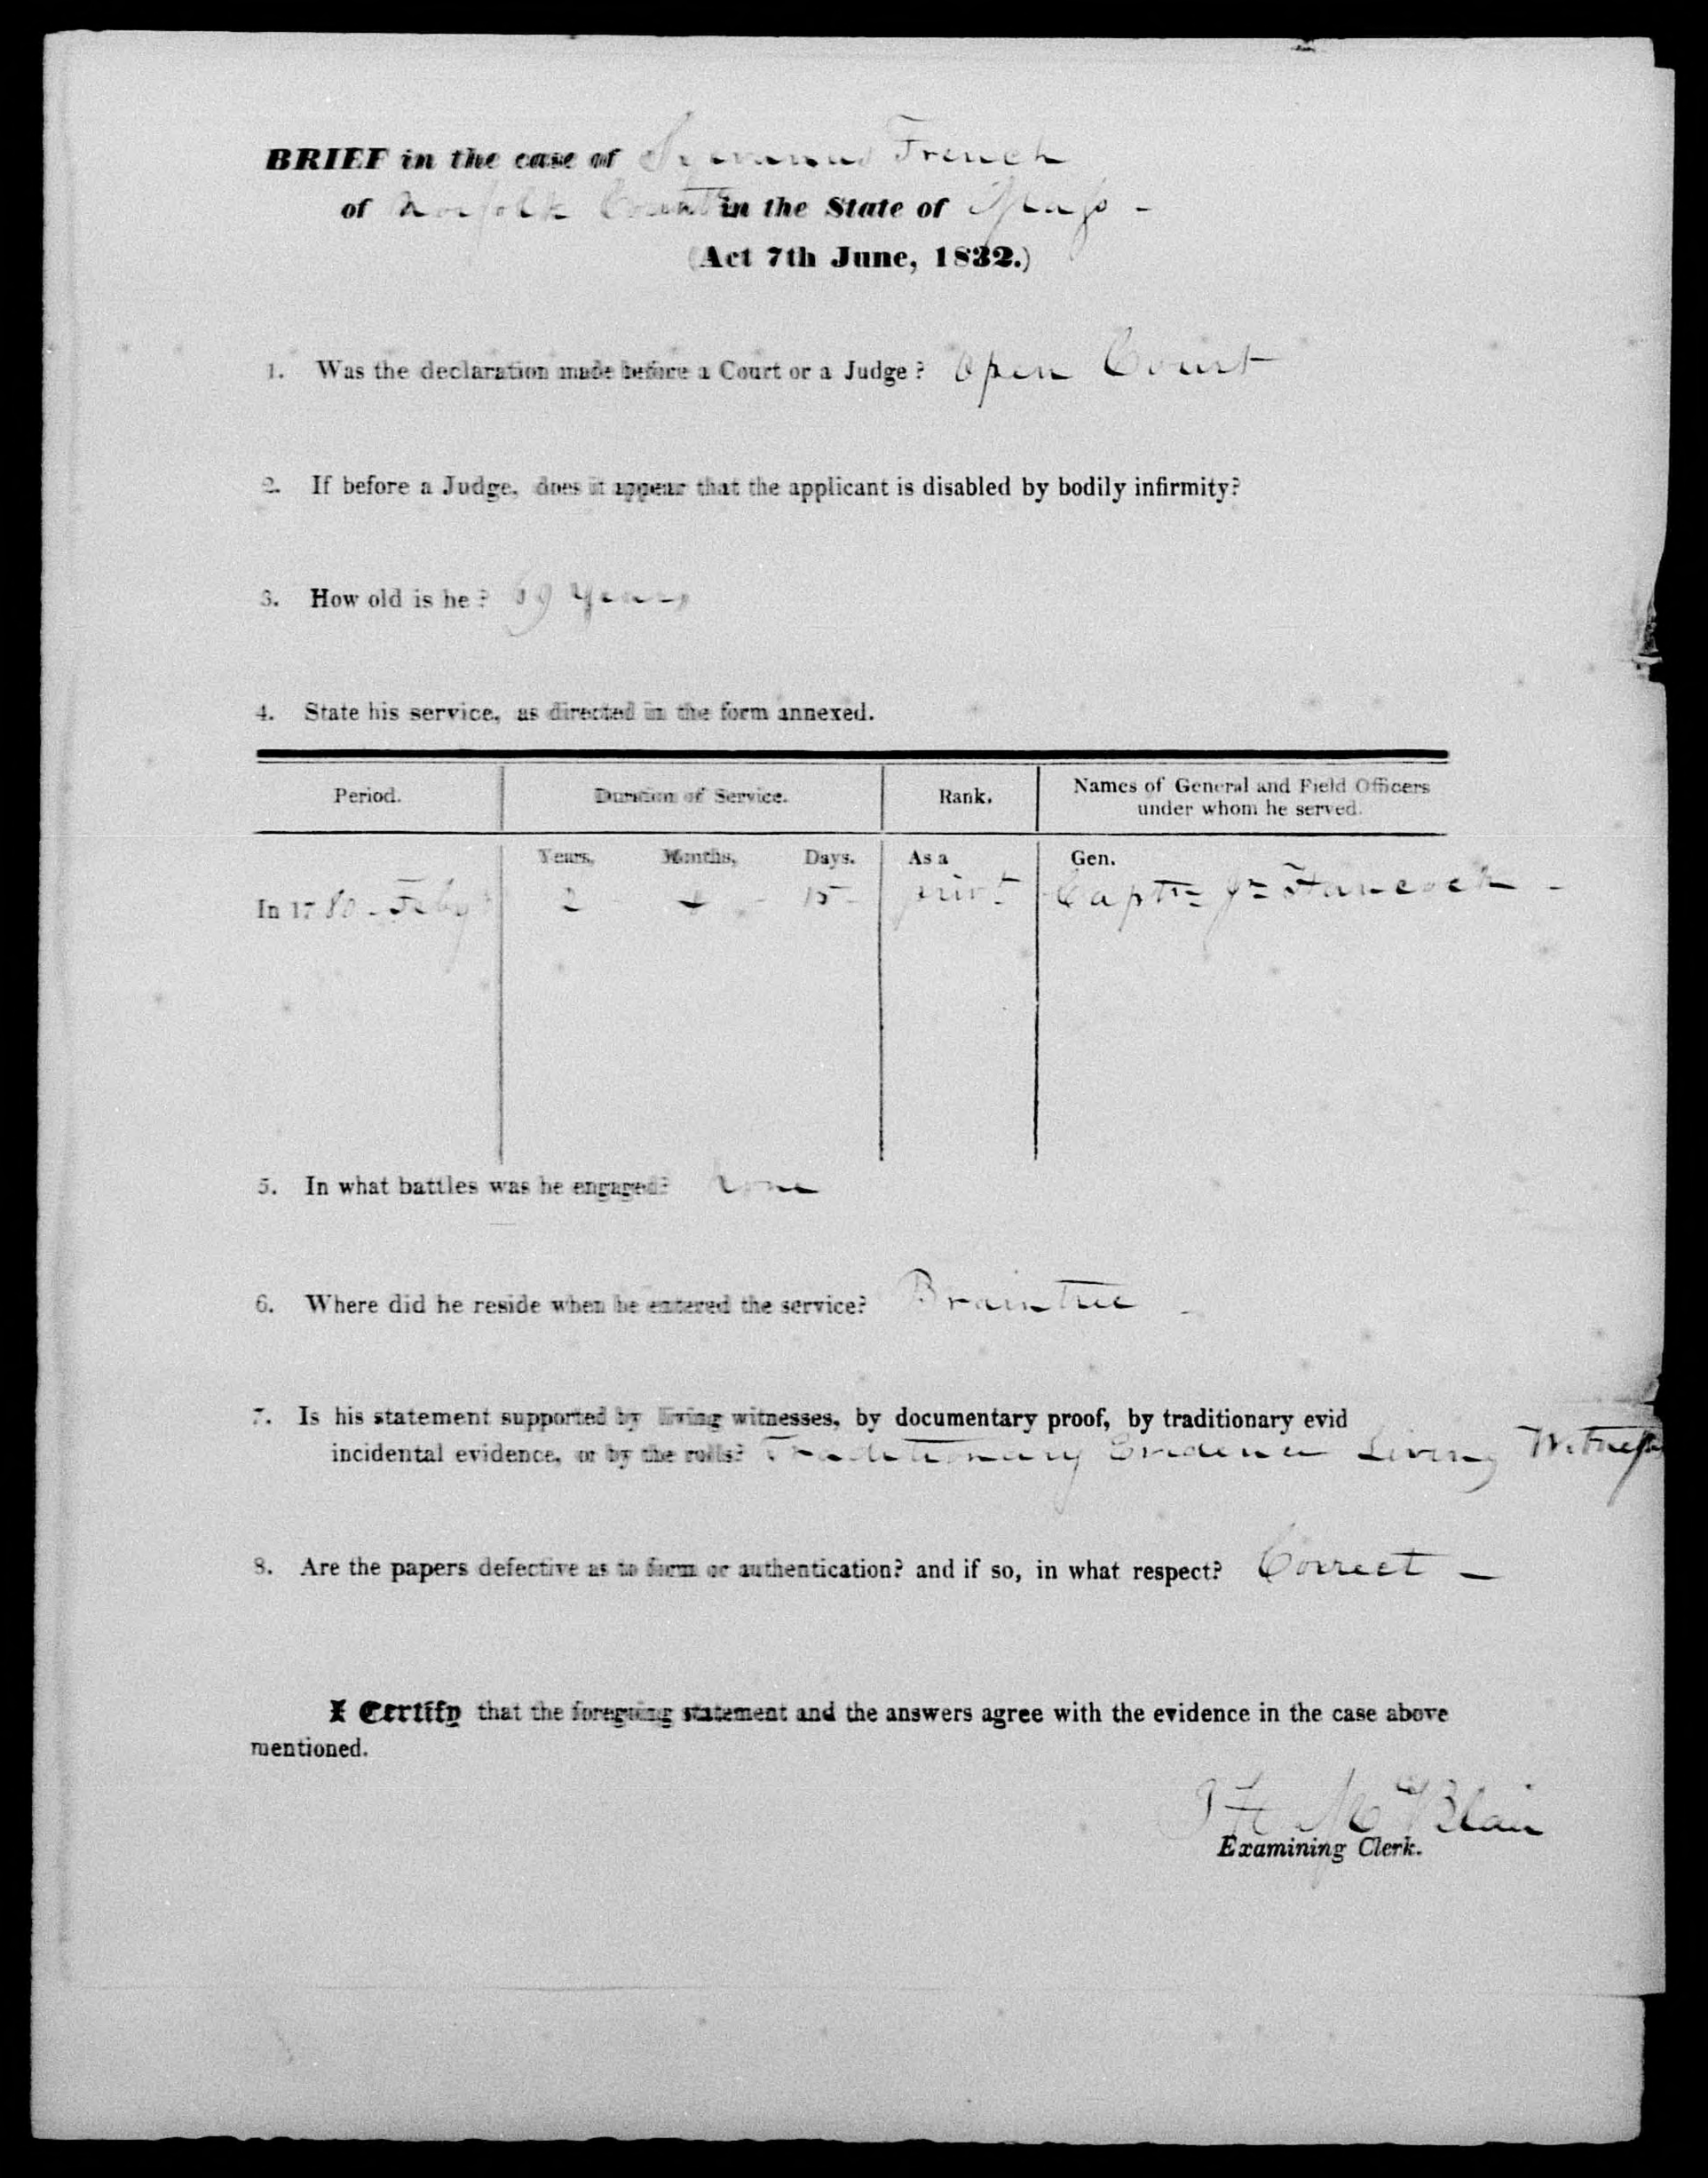BRIEF in the case of Sylvanus French of Norfolk County the State of Mass
 (Act 7th June, 1832.) 

1. Was the declaration made before a Court or a Judge? Open Court 

2. If before a Judge, does it appear that the applicant is disabled by bodily infirmity? 

33. How old is he? 69 years

4. State his service, as directed in the form annexed. 
[table headings] Period. | Duration of Service. Years. Months. Days. |  Rank. |  Names of General and Field Officers under whom he served. 
[row 1]In 1780 Feby | 2 4 15 | Private Capt J. Hancock

5. In what battles was he engaged? none

6. Where did he reside when he entered the service?  Braintree 

7. Is his statement supported by living witnesses, by documentary proof, by traditionary eviid incidental evidence, or by the rolls? Traditionary Evidence Living Witness 

8. Are the papers defective as to form or authentication? and if so, in what respect? Correct 

I Certify that the foregoing statement and the answers agree with the evidence in the case above mentioned
J. H McBlair
Examining Clerk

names: J H Mc Blair, Hancock, Sylvanus French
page: 4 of 38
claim: widow's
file: W. 24,235, Silvanus French, Mass.